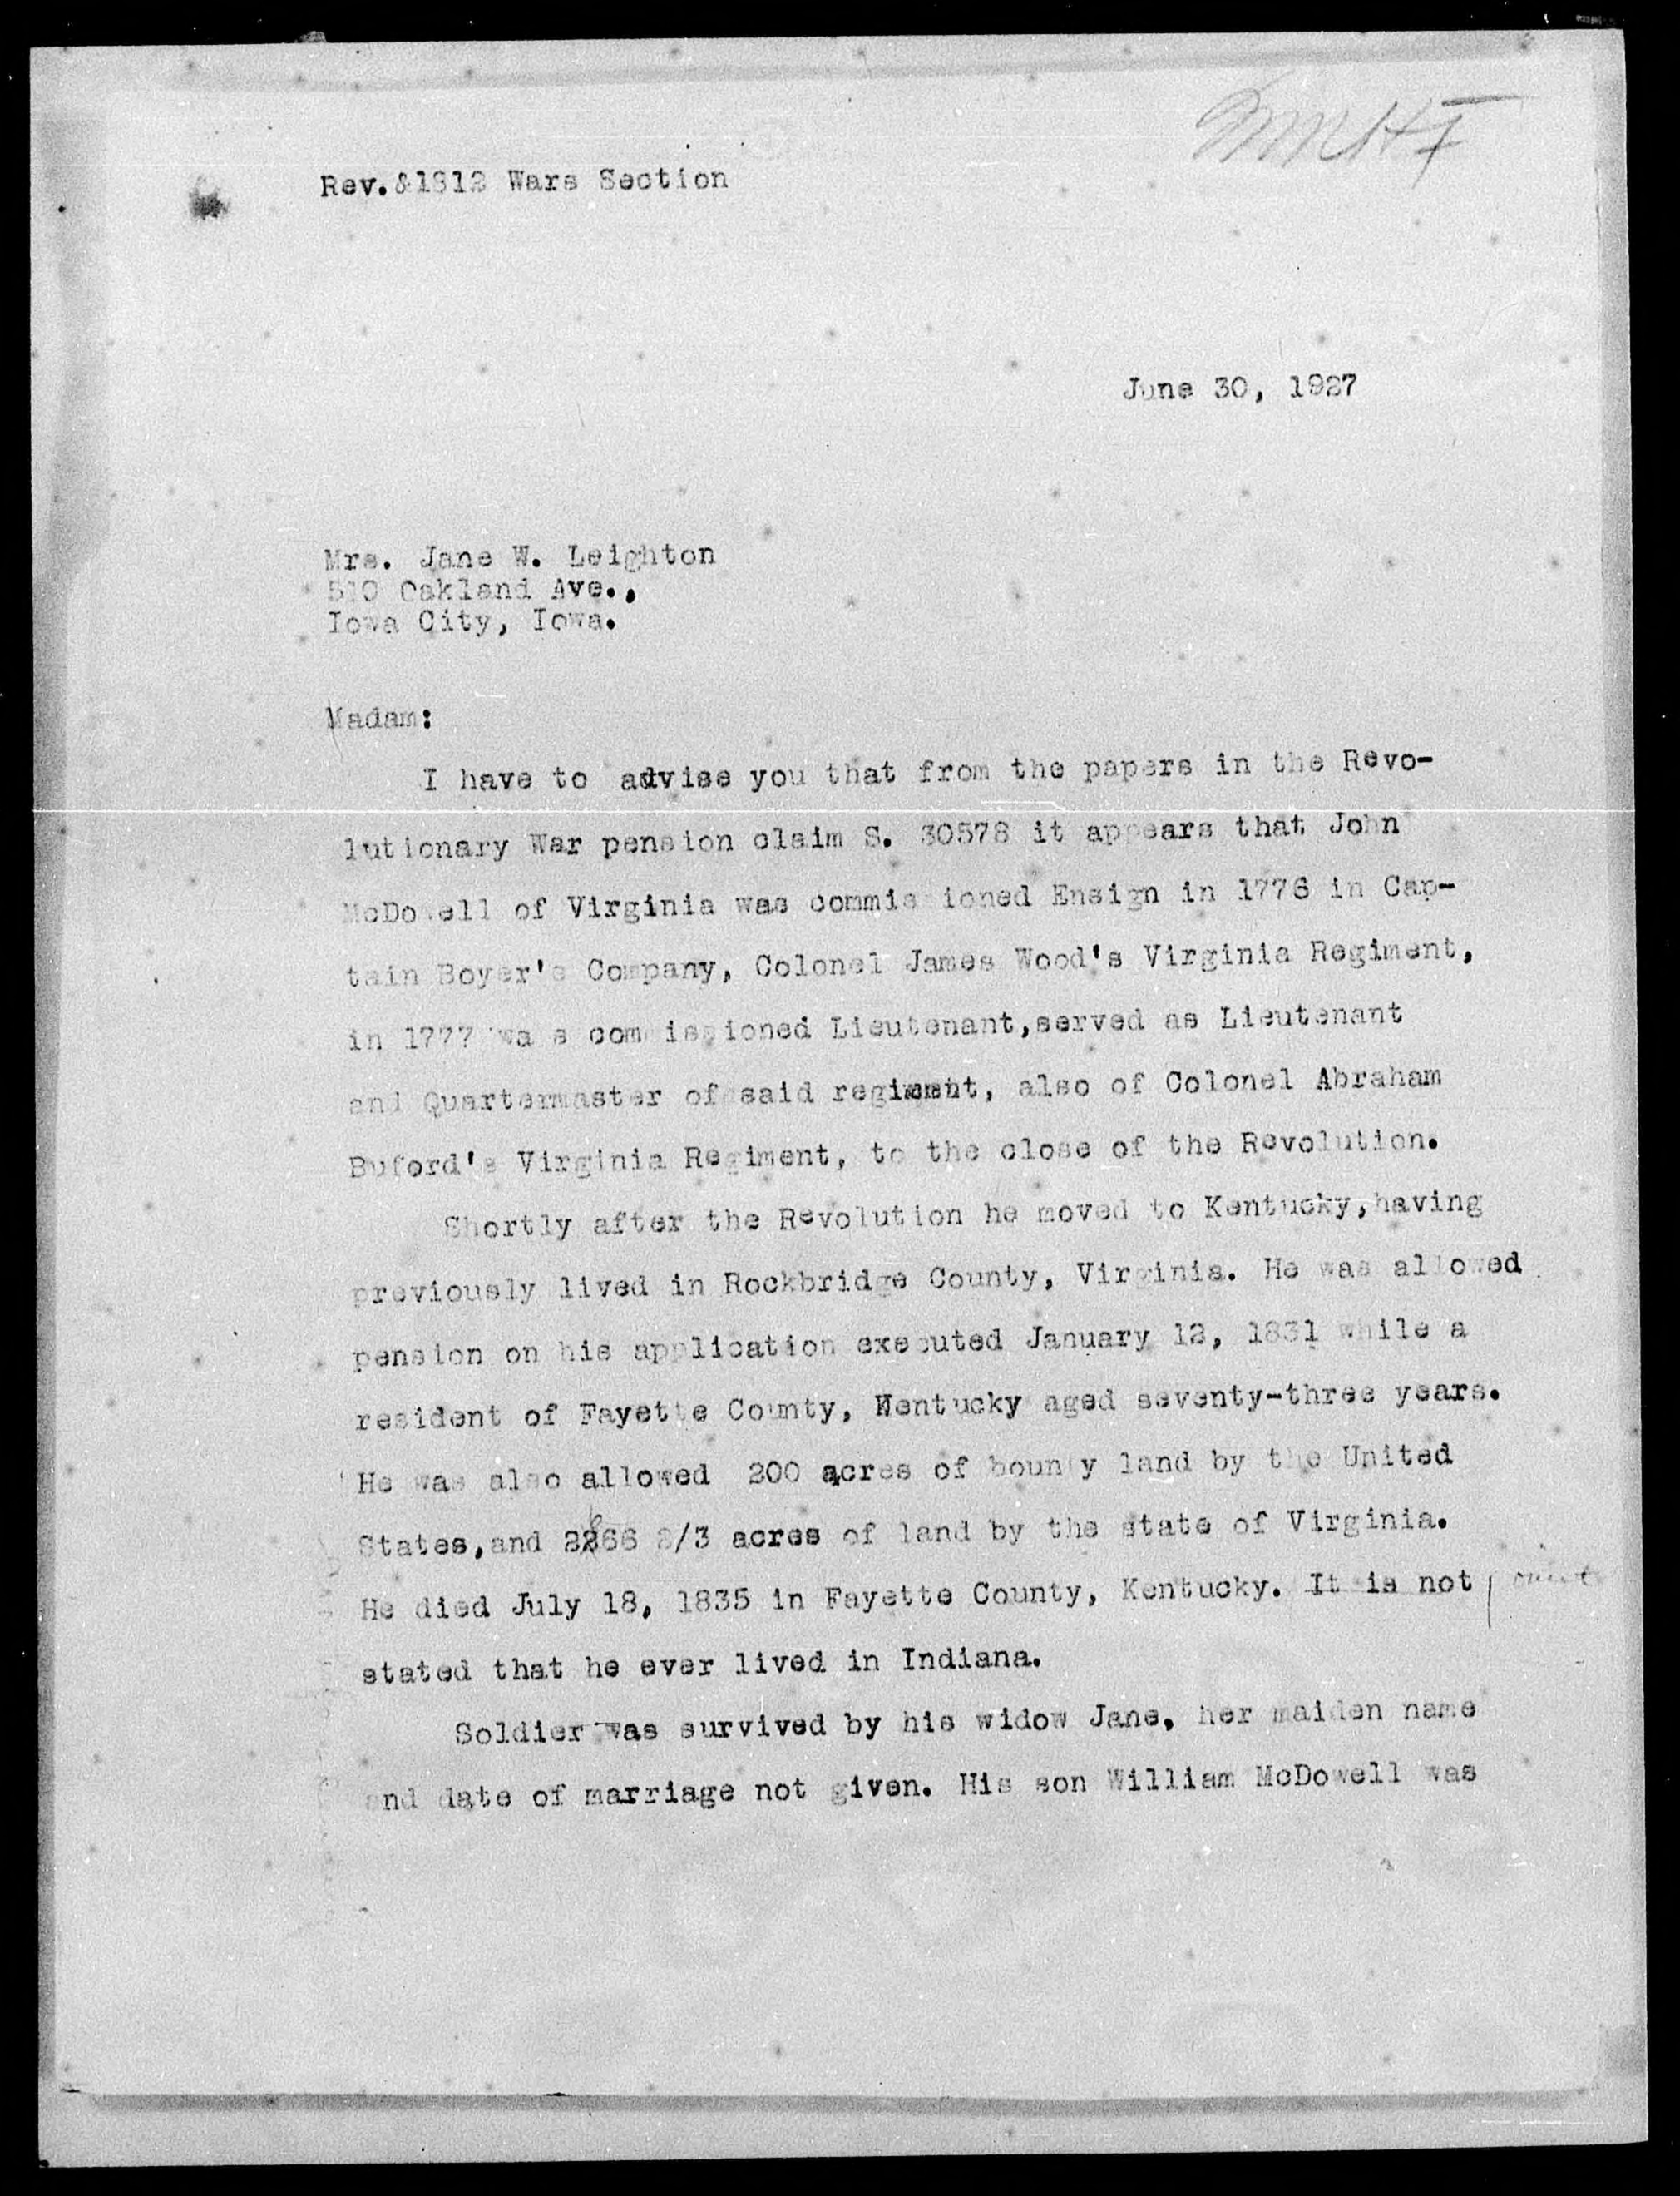MMHF
Rev.&1812 Wars Section

June 30, 1927

Mrs. Jane W. Leighton
510 Cakland Ave.,
Iowa City, Iowa.

Madam:
I have to advise you that from the papers in the Revolutionary War pension claim S. 30578 it appears that John McDowell of Virginia was commissioned Ensign in 1776 in Captain Boyer's Company, Colonel James Wood's Virginia Regiment, in 177 was a commissioned Lieutenant, served as Lieutenant and Quartermaster of said regiment, also of Colonel Abraham Buford's Virginia Regiment, to the close of the Revolution.
Shortly after the Revolution he moved to Kentucky, having previously lived in Rockbridge County, Virginia. He was allowed pension on his application executed January 12, 1831 while a resident of Fayette County, Kentucky aged seventy-three years. He was also allowed 200 acres of bounty land by the United States, and 2666 2/3 acres of land by the state of Virginia.
He died July 18, 1835 in Fayette County, Kentucky. It is not stated that he ever lived in Indiana.
Soldier was survived by his widow Jane, her maiden name and date of marriage not given. His son William McDowell was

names: Jane W Leighton; William Mc Dowell; Jane [BLANK]; John Mc Dowell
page: 44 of 47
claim: survivor's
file: S. 30578, for John Mc Dowell, Virginia